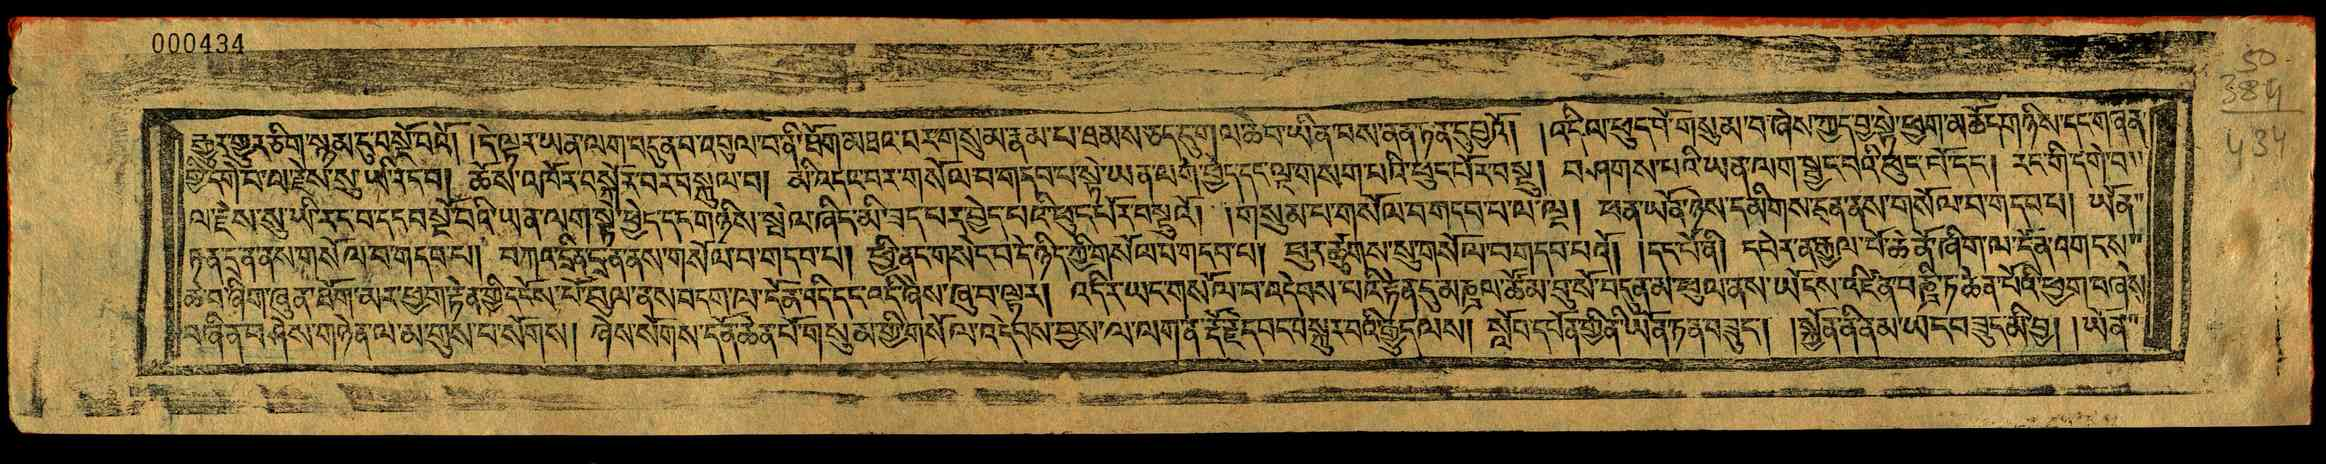རྒྱུར་གྱུར་ཅིག་སྙམ་དུ་བསྔོ་བའོ། །དེ་ལྟར་ཡན་ལག་བདུན་པ་འབུལ་བ་ནི་ཐོག་མཐའ་བར་གསུམ་རྣམ་པ་ཐམས་ཅད་དུ་གལ་ཆེ་བ་ཡིན་པས་ནན་ཏན་དུ་བྱའོ། །འདི་ལ་ཕུང་པོ་གསུམ་པ་ཞེས་ཀྱང་བྱ་སྟེ། ཕྱག་མཆོད་གཉིས་དང་གཞན་
གྱི་དགེ་བ་ལ་རྗེས་སུ་ཡི་རང་བ། ཆོས་འཁོར་བསྐོར་བར་བསྐུལ་བ། མི་འདའ་བར་གསོལ་བ་གདབ་པ་སྟེ་ཡན་ལག་ཕྱེད་དང་ལྔ་གསག་པའི་ཕུང་པོར་བསྡུ། བཤགས་པའི་ཡན་ལག་སྦྱང་བའི་ཕུང་པོ་དང་། རང་གི་དགེ་བ་
ལ་རྗེས་སུ་ཡི་རང་བ་དང་བསྔོ་བའི་ཡན་ལག་སྟེ་ཕྱེད་དང་གཉིས་སྤེལ་ཞིང་མི་ཟད་པར་བྱེད་པའི་ཕུང་པོར་བསྡུའོ། །གསུམ་པ་གསོལ་བ་གདབ་པ་ལ་ལྔ། ཕན་ཡོན་ཉེས་དམིགས་དྲན་ནས་གསོལ་བ་གདབ་པ། ཡོན་
ཏན་དྲན་ནས་གསོལ་བ་གདབ་པ། བཀའ་དྲིན་དྲན་ནས་གསོལ་བ་གདབ་པ། ཕྱི་ནང་གསང་བ་དེ་ཉིད་ཀྱི་གསོལ་བ་གདབ་པ། ཕུར་ཚུགས་སུ་གསོལ་བ་གདབ་པའོ། །དང་པོ་ནི། དཔེར་ན་རྒྱལ་པོ་ཆེན་ནོ་ཞིག་ལ་དོན་འགངས་
ཆེ་བ་ཞིག་ཞུ་ན་ཐོག་མར་ཕྱག་རྟེན་གྱི་དངོས་པོ་ཕུལ་ནས་བདག་ལ་དོན་འདི་དང་འདི་ཞེས་ཞུ་བ་ལྟར། འདིར་ཡང་གསོལ་བ་འདེབས་པའི་རྟེན་དུ་མཎྜལ་ཚོམ་བུ་སོ་བདུན་མ་ཕུལ་ནས་ཡོངས་འཛིན་པཎྜི་ཏ་ཆེན་པོའི་ཕྱག་བཞེས་
བཞིན་བཤེས་གཉེན་ལ་མ་གུས་པ་སོགས། ཞེས་སོགས་དོན་ཆེན་པོ་གསུམ་གྱི་གསོལ་འདེབས་བྱས་ལ་ལག་ན་རྡོ་རྗེ་དབང་བསྐུར་བའི་རྒྱུད་ལས། སློབ་དཔོན་གྱི་ནི་ཡོན་ཏན་བཟུང་། །སྐྱོན་ནི་ནམ་ཡང་བཟུང་མི་བྱ། །ཡོན་